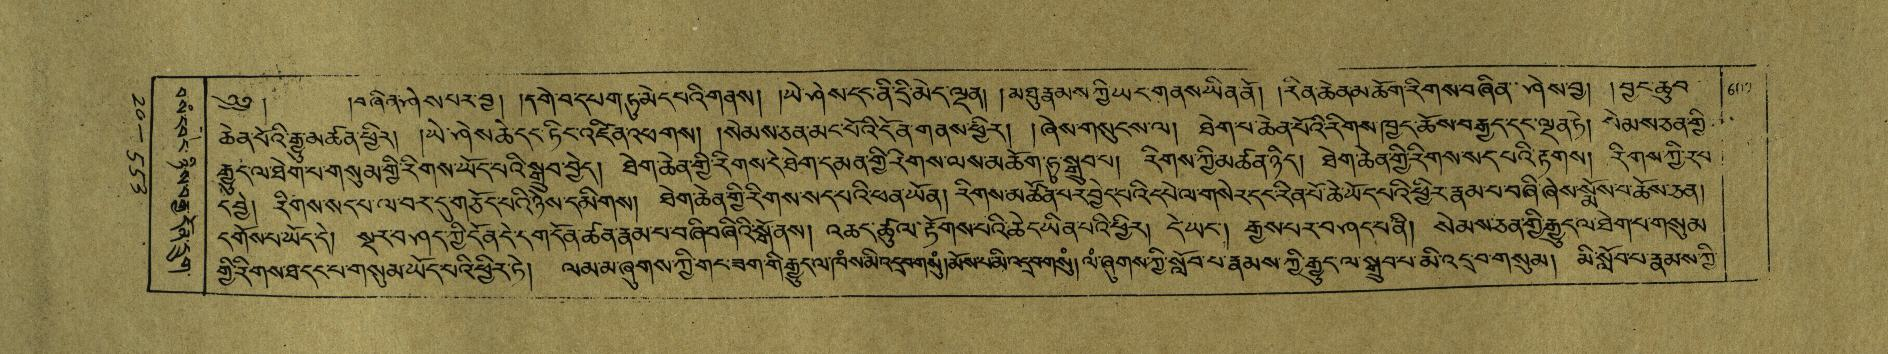༄༅། །བཞིན་ཤེས་པར་བྱ། །དགེ་བ་དཔག་ཏུ་མེད་པའི་གནས། །ཡེ་ཤེས་དང་ནི་དྲི་མེད་ལྡན། །མཐུ་རྣམས་ཀྱི་ཡང་གནས་ཡིན་ནོ། །རིན་ཆེན་མཆོག་རིགས་བཞིན་ཤེས་བྱ། །བྱང་ཆུབ་
ཆེན་པོའི་རྒྱུ་མཚན་ཕྱིར། །ཡེ་ཤེས་ཆེ་དང་ཏིང་འཛིན་འཕགས། །སེམས་ཅན་མང་པོའི་དོན་གནས་ཕྱིར། །ཞེས་གསུངས་ལ། ཐེག་པ་ཆེན་པོའི་རིགས་ཁྱད་ཆོས་བརྒྱད་དང་ལྡན་ཏེ། སེམས་ཅན་གྱི་
རྒྱུད་ལ་ཐེག་པ་གསུམ་གྱི་རིགས་ཡོད་པའི་སྒྲུབ་བྱེད། ཐེག་ཆེན་གྱི་རིགས་དེ་ཐེག་དམན་གྱི་རིགས་ལས་མཆོག་ཏུ་སྒྲུབ་པ། རིགས་ཀྱི་མཚན་ཉིད། ཐེག་ཆེན་གྱི་རིགས་སད་པའི་རྟགས། རིགས་ཀྱི་རབ་
དབྱེ། རིགས་སད་པ་ལ་བར་དུ་གཅོད་པའི་ཉེས་དམིགས། ཐེག་ཆེན་གྱི་རིགས་སད་པའི་ཕན་ཡོན། རིགས་མཚོན་པར་བྱེད་པའི་དཔེ་ལ་གསེར་དང་རིན་པོ་ཆེ་ཡོད་པའི་ཕྱིར་རྣམ་པ་བཞི་ཞེས་སྨོས་པ་ཆོས་ཅན།
དགོས་པ་ཡོད་དེ། སྔར་བཤད་ཀྱི་དོན་དེ་དག་དོན་ཚན་རྣམ་པ་བཞི་བཞིའི་སྒོ་ནས། འཆད་ཚུལ་རྟོགས་པའི་ཆེད་ཡིན་པའི་ཕྱིར། དེ་ཡང་། རྒྱས་པར་བཤད་པ་ནི། སེམས་ཅན་གྱི་རྒྱུད་ལ་ཐེག་པ་གསུམ་
གྱི་རིགས་ཐ་དད་པ་གསུམ་ཡོད་པའི་ཕྱིར་ཏེ། ལམ་མ་ཞུགས་ཀྱི་གང་ཟག་གི་རྒྱུད་ལ་ཁཾས་མི་འདྲ་བ་གསུཾ། མོས་པ་མི་འདྲ་བ་གསུཾ། ལཾ་ཞུགས་ཀྱི་སློབ་པ་རྣམས་ཀྱི་རྒྱུད་ལ་སྒྲུབ་པ་མི་འདྲ་བ་གསུམ། མི་སློབ་པ་རྣམས་ཀྱི་